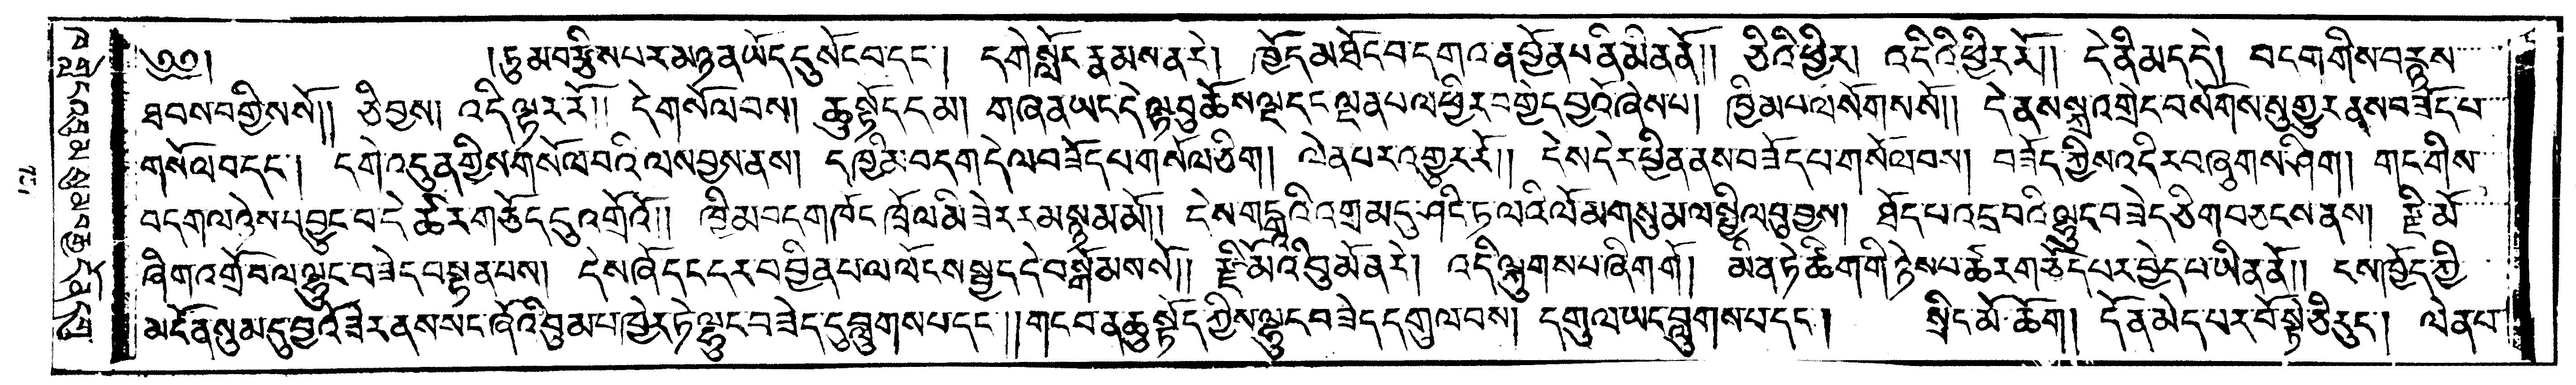༄༅། །ཏུམ་བརྩིས་པར་མཉན་ཡོད་དུ་སོང་བ་དང་། དགེ་སློང་རྣམས་ན་རེ། ཁྱོད་མཐོང་བ་དགའ་ན་བྱོན་པ་ནི་མིན་ནོ།། ཅིའི་ཕྱིར། འདིའི་ཕྱིར་རོ།། དེ་ནི་མད་དེ། བདག་གིས་བརྙས་
ཐབས་བགྱིས་སོ།། ཅི་བྱས། འདི་ལྟར་རོ།། དེ་གསོལ་བས། ཆུ་སྟོད་དམ། གཞན་ཡང་དེ་ལྟ་བུ་ཆོས་ལྔ་དང་ལྡན་པ་ལ་ཕྱིར་བགྱེད་བྱའོ་ཞེས་པ། ཁྱིམ་པ་ལ་སོགས་སོ།། དེ་ནས་སྐྲ་འགྲེང་བ་སོགས་སུ་གྱུར་ནས་བཟོད་པ་
གསོལ་བ་དང་། དགེ་འདུན་གྱིས་གསོལ་བའི་ལས་བྱས་ནས། ད་ཁྱིམ་བདག་དེ་ལ་བཟོད་པ་གསོལ་ཅིག། ལེན་པར་འགྱུར་རོ།། དེས་དེར་ཕྱིན་ནས་བཟོད་པ་གསོལ་བས། བཟོད་ཀྱིས་འདིར་བཞུགས་ཤིག། གང་གིས་
བདག་ལ་ཉེས་པ་བྱུང་བ་དེ་ཚར་གཅོད་དུ་འགྲོའོ།། ཁྱིམ་བདག་ཁོང་ཁྲོ་ལ་མི་ཟེར་རམ་སྙམ་མོ།། དེས་གངྒཱའི་འགྲམ་དུ་ཤིང་ཏ་ལའི་ལོ་མ་གསུམ་ལ་སྦྱིལ་བུ་བྱས། ཐོད་པ་འདྲ་བའི་ལྷུང་བཟེད་ཅིག་བཅངས་ནས། རྫི་མོ་
ཞིག་འགྲོ་བ་ལ་ལྷུང་བཟེད་བསྟན་པས། དེས་ཞོ་དང་དར་བ་བྱིན་པ་ལ་ལོངས་སྤྱད་དེ་བསྒོམས་སོ།། རྫི་མོའི་བུ་མོ་ན་རེ། འདི་ལྐུགས་པ་ཞིག་གོ། མིན་ཏེ་ཚིག་གི་ཉེས་པ་ཚར་གཅོད་པར་བྱེད་པ་ཡིན་ནོ།། ངས་ཁྱོད་ཀྱི་
མངོན་སུམ་དུ་བྱའོ་ཟེར་ནས་སང་ཞོའི་བུམ་པ་ཁྱེར་ཏེ་ལྷུང་བཟེད་དུ་བླུགས་པ་དང་། །གང་བ་ན་ཆུ་སྟོད་ཀྱིས་ལྷུང་བཟེད་དགུལ་བས། དགུལ་ཡང་བླུགས་པ་དང་། སྲིང་མོ་ཆོག། དོན་མེད་པར་བོ་སྟེ་ཅི་རུང་། ལེན་པ་